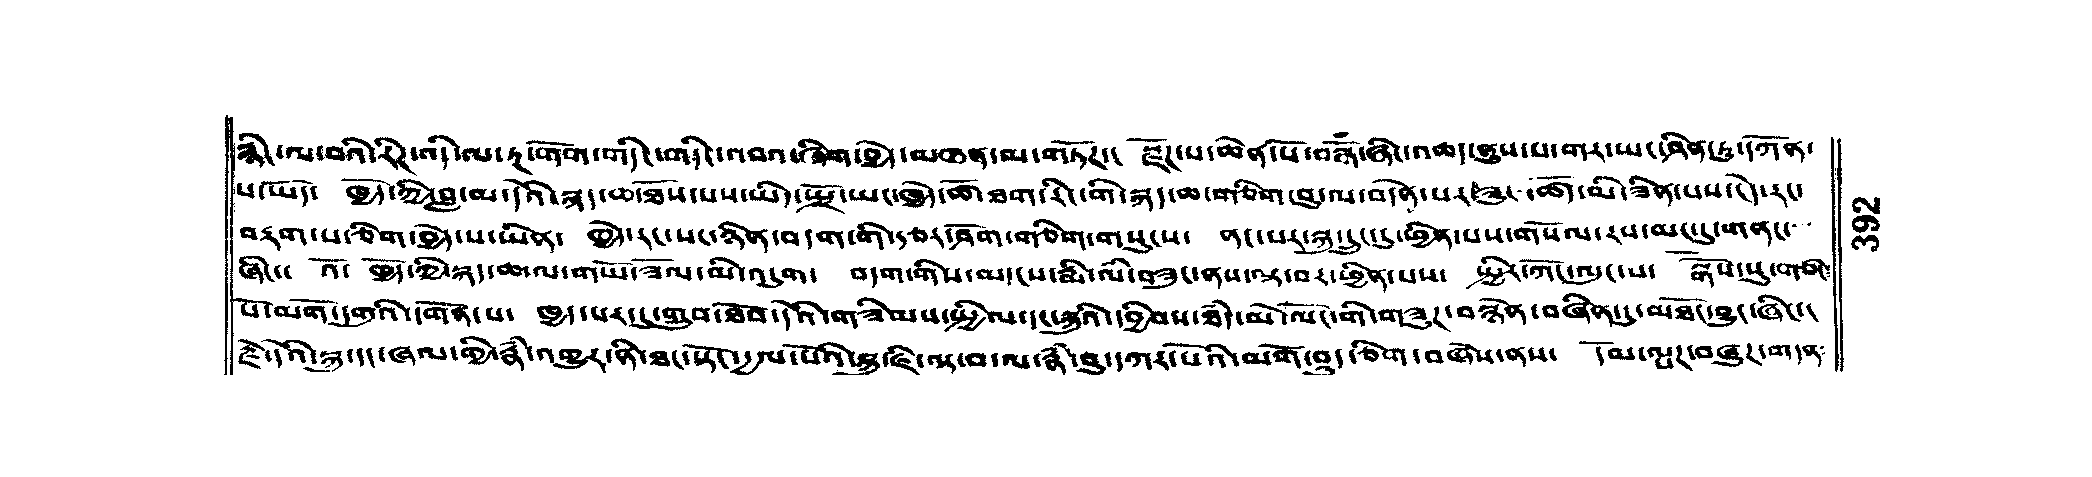རྙིང་མ་བའི་རིགས་འདི་ལ་རྔ་གོག་གདིང་གདིང་འབའ་ཞིག་བྱེད་མཁན་མ་གཏོགས། རྫོགས་པ་ཆེན་པོ་བསྒོམ་ཞིང་འཆད་ནུས་པ་གར་ཡང་ཤིན་ཏུ་དཀོན་
པ་ཡོད། ཁྱོད་ཀྱི་བླ་མ་དེའི་སྐད་ཆ་ཐོས་པས་ཡིད་སྤྲོ་ཡང་ཁྱེད་ཚོ་ཐག་རིང་གི་སྐད་ཆ་གཅིག་བུ་ལ་བདེན་པར་ཟུང་ཚོད་མི་ཟིན་པས་ངེད་རང་
བརྟག་པ་ཞིག་བྱེད་པ་ཡིན། ཁྱེད་རང་སང་ཉིན་བདག་གི་རྩར་ཤོག་ཅིག་གསུངས། ནང་པར་སྐུ་དྲུང་དུ་ཕྱིན་པས་གསོལ་རས་མང་དུ་གནང་
ཞིང་།འོ། ཁྱོད་ཀྱི་སྐད་ཆ་ལ་གཡོ་ཟོལ་མི་འདུག བདག་གིས་མདང་རྨི་ལམ་བཟུང་ནས་ལྟ་བར་ཕྱིན་པས། སྤྱིར་ཀོང་ལུང་པ། སྒོས་སུ་གཙང་
པོ་འགོ་དགུའི་དགོན་པ། ཁྱད་པར་དུ་གྲུབ་ཐོབ་དེའི་གཟིམས་སྤྱིལ་དང་སྐུའི་དབྱིབས་ཐམས་ཅད་མེ་ལོང་གི་གཟུགས་བརྙན་བཞིན་དུ་མཐོང་བྱུང་ཞིང་། 
རྗེ་དེའི་སྐུ་དང་ཞལ་གྱི་རྣམ་འགྱུར་ནི་ཐང་སྟོང་རྒྱལ་པོའི་སྐུ་ཇི་ལྟ་བ་ལ་སྣམ་བུ་དཀར་པོའི་མགོ་ཤུབ་ཅིག་བཞེས་ནས། དོམ་ལྤགས་བཞུགས་གདན་